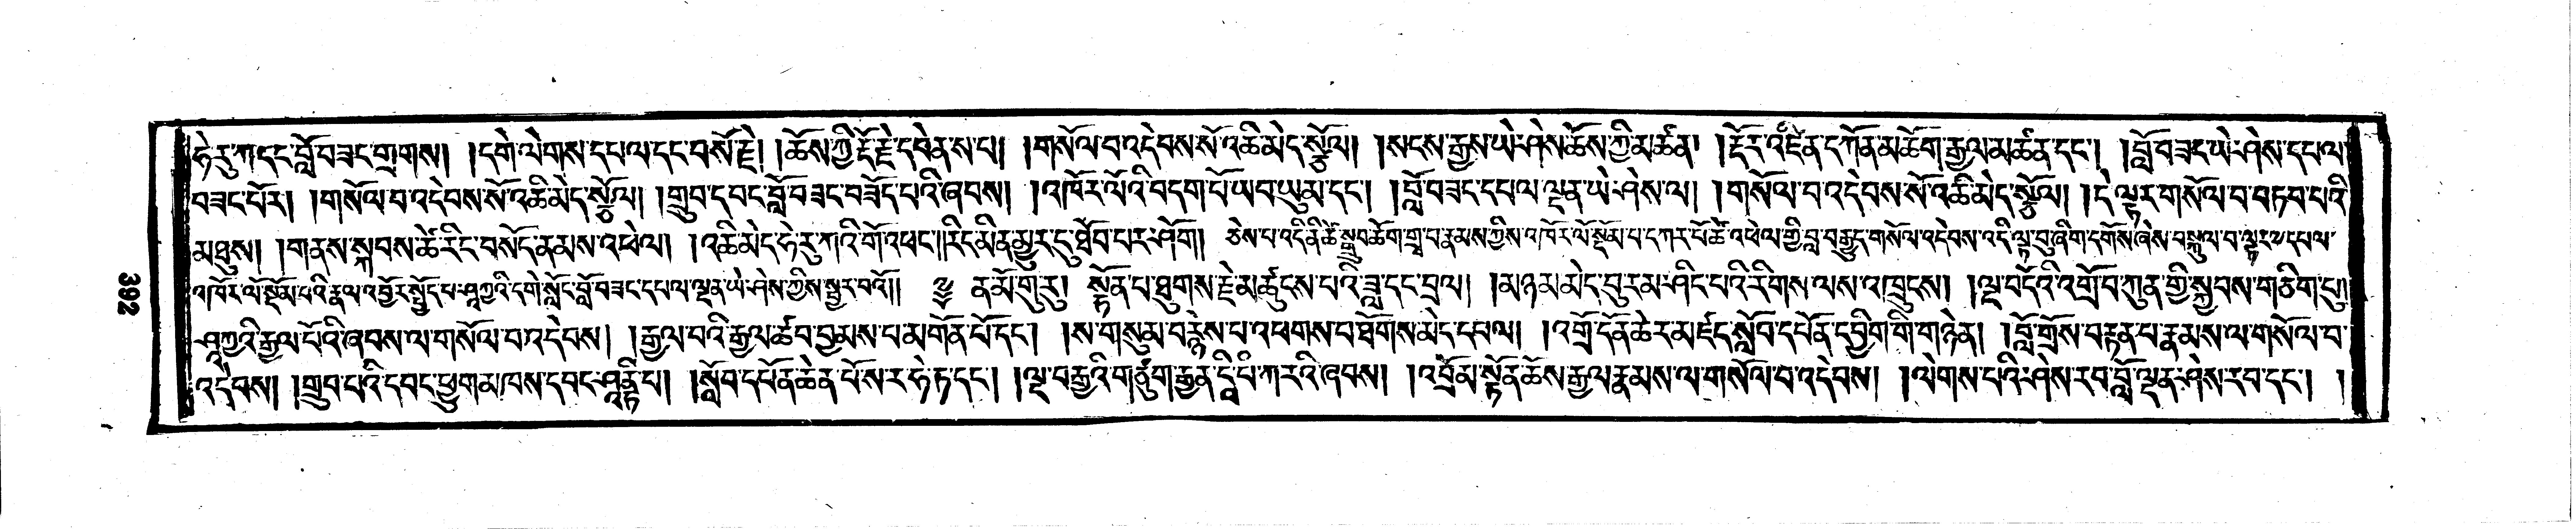ཧེ་རུ་ཀ་དང་བློ་བཟང་གྲགས། །དགེ་ལེགས་དཔལ་དང་བསོ་རྗེ། །ཆོས་ཀྱི་རྡོ་རྗེ་དབེན་ས་པ། །གསོལ་བ་འདེབས་སོ་འཆི་མེད་སྩོལ། །སངས་རྒྱས་ཡེ་ཤེས་ཆོས་ཀྱི་མཚན། །རྡོར་འཛིན་དཀོན་མཆོག་རྒྱལ་མཚན་དང་། །བློ་བཟང་ཡེ་ཤེས་དཔལ་
བཟང་པོར། །གསོལ་བ་འདེབས་སོ་འཆི་མེད་སྩོལ། །གྲུབ་དབང་བློ་བཟང་བཟོད་པའི་ཞབས། །འཁོར་ལོའི་བདག་པོ་ཡབ་ཡུམ་དང་། །བློ་བཟང་དཔལ་ལྡན་ཡེ་ཤེས་ལ། །གསོལ་བ་འདེབས་སོ་འཆི་མེད་སྩོལ། །དེ་ལྟར་གསོལ་བ་བཏབ་པའི་
མཐུས། །གནས་སྐབས་ཚེ་རིང་བསོད་ནམས་འཕེལ། །འཆི་མེད་ཧེ་རུ་ཀའི་གོ་འཕང་། །རིང་མིན་མྱུར་དུ་ཐོབ་པར་ཤོག། ཅེས་པ་འདི་ནི་ཚེ་སྒྲུབ་ཆོག་གྲྭ་པ་རྣམས་ཀྱིས་འཁོར་ལོ་སྡོམ་པ་དཀར་པོ་ཚེ་འཕེལ་གྱི་བླ་བརྒྱུད་གསོལ་འདེབས་འདི་ལྟ་བུ་ཞིག་དགོས་ཞེས་བསྐུལ་བ་ལྟར་༧་དཔལ་
འཁོར་ལོ་སྡོམ་པའི་རྣལ་འབྱོར་སྤྱོད་པ་ཤཱཀྱའི་དགེ་སློང་བློ་བཟང་དཔལ་ལྡན་ཡེ་ཤེས་ཀྱིས་སྦྱར་བའོ།། ༈ ན་མོ་གུ་རུ། སྟོན་པ་ཐུགས་རྗེ་མཚུངས་པའི་ཟླ་དང་བྲལ། །མཉམ་མེད་བུ་རམ་ཤིང་པའི་རིགས་ལས་འཁྲུངས། །ལྔ་བདོའི་འགྲོ་བ་ཀུན་གྱི་སྐྱབས་གཅིག་པུ།
ཤཱཀྱའི་རྒྱལ་པོའི་ཞབས་ལ་གསོལ་བ་འདེབས། །རྒྱལ་བའི་རྒྱལ་ཚབ་བྱམས་པ་མགོན་པོ་དང་། །ས་གསུམ་བརྙེས་པ་འཕགས་པ་ཐོགས་མེད་དཔལ། །འགྲོ་དོན་ཆེར་མཛད་སློབ་དཔོན་དབྱིག་གི་གཉེན། །བློ་གྲོས་བརྟན་པ་རྣམས་ལ་གསོལ་བ་
འདེབས། །གྲུབ་པའི་དབང་ཕྱུག་མཁས་དབང་ཤཱནྟི་པ། །སློབ་དཔོན་ཆེན་པོ་ས་ར་ཧེ་ཏ་དང་། །ལྔ་བརྒྱའི་གཙུག་རྒྱན་དཱི་པཾ་ཀ་རའི་ཞབས། །འབྲོམ་སྟོན་ཆོས་རྒྱལ་རྣམས་ལ་གསོལ་བ་འདེབས། །ལེགས་པའི་ཤེས་རབ་བློ་ལྡན་ཤེས་རབ་དང་། །